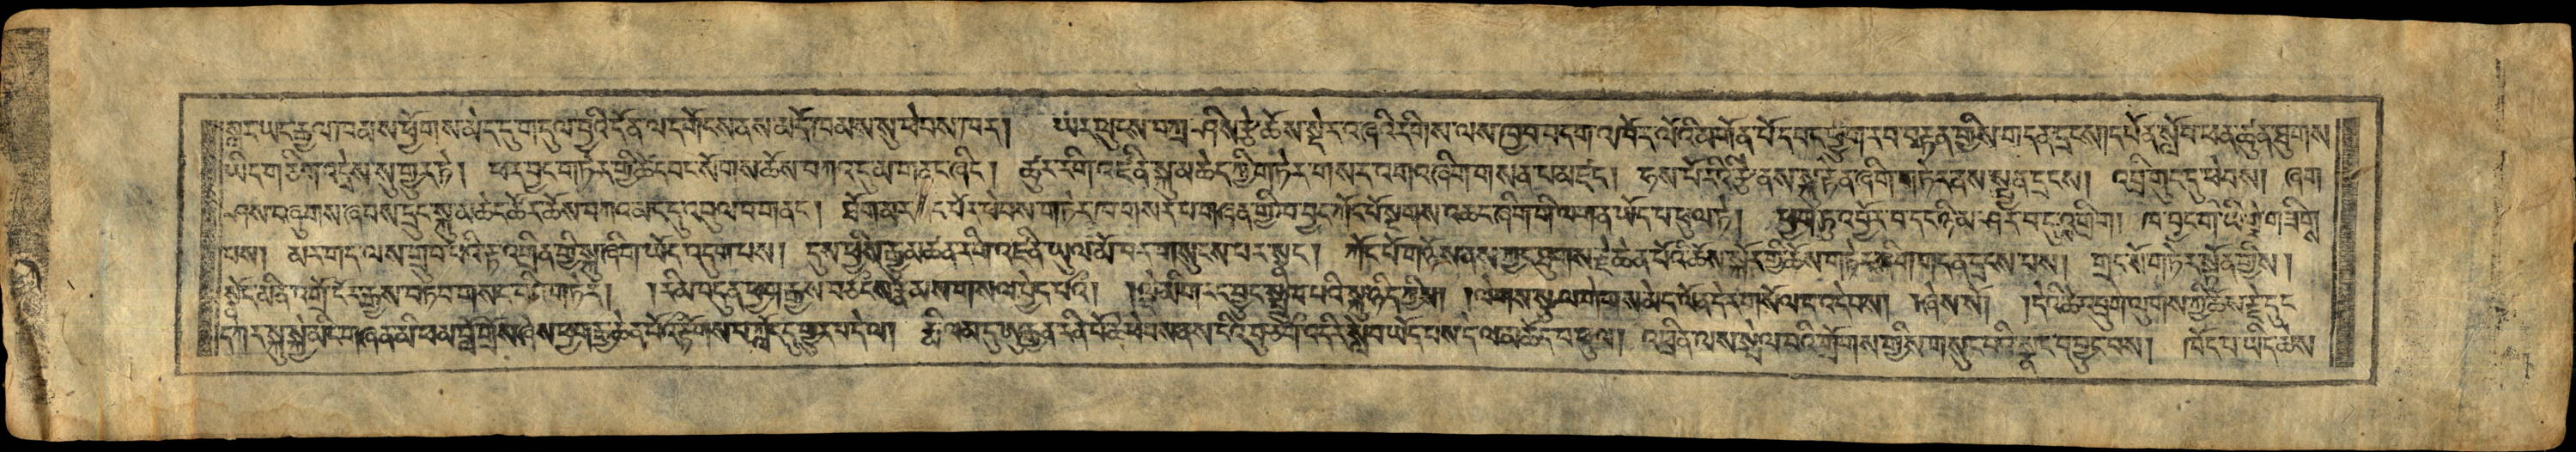སླར་ཡང་རྒྱལ་ཁམས་ཕྱོགས་མེད་དུ་གདུལ་བྱའི་དོན་ལ་དགོངས་ནས་མདོ་ཁམས་སུ་ཕེབས་ཁར། ཡར་ལུངས་བཀྲ་ཤིས་རྩེ་ཆོས་སྡེར་འ་ཞའི་རིགས་ལས་ཁྱབ་བདག་འཁོར་ལོའི་མགོན་པོ་དབང་ཕྱུག་རབ་བརྟན་གྱིས་གདན་དྲངས། དཔོན་སློབ་ཕན་ཆུན་ཐུགས་
ཡིད་གཅིག་འདྲེས་སུ་གྱུར་ཏེ། ཕར་བྱང་གཏོར་གྱི་ཚེ་དབང་སོགས་ཆོས་བཀའ་དུ་མ་གནང་ཞིང་། ཚུར་རིག་འཛིན་སྐུ་མཆེད་ཀྱི་གཏེར་གསར་འགའ་ཞིག་གསན་པ་མཛད། ཧས་པོ་རིའི་རྩེ་ནས་སྐུ་རྟེན་ཞིག་གཏེར་ནས་སྤྱན་དྲངས། འབྲི་གུང་དུ་ཕེབས། ཞག་
ཤས་བཞུགས་ཞབས་དྲུང་སྐུ་མཆེད་ཚོར་ཆོས་བཀའ་མང་དུ་འབུལ་བ་གནང་། ཐོག་མར་ཀོང་པོར་ཕེབས་གཏེར་ཁ་གསར་པ་གཞན་གྱི་ཁ་བྱང་ཀོང་པོ་སྔགས་འཆང་ཞིག་གི་ལག་ན་ཡོད་པ་ཕུལ་ཏེ། ཕྱག་ཏུ་འབྱོར་བ་དང་ཉི་མ་ཤར་བ་དུ་འགྲིག། ཁ་བྱང་གི་ཡི་སྡེ་གཟིགས་
པས། མར་གད་ལས་གྲུབ་པའི་རྟ་འགྲིན་གྱི་སྐུ་ཞིག་ཡོད་འདུག་པས། དུས་ཕྱིས་རྒྱུ་མཚན་རིག་འཛིན་ཡུལ་མོ་བར་གསུངས་པར་སྣང་། ཀོང་པོ་གཉོས་ནས་ཀྱང་ཐུགས་རྗེ་ཆེན་པོའི་ཆོས་སྐོར་གྱི་ཆོས་གཏེར་ཞིག་གདན་དྲངས་པས། གྲང་སོ་གཏེར་སྟོན་གྱིས།
སྣོད་མིན་འགྲོ་ངོར་རྒྱས་བཏབ་གསང་བའི་གཏེར། །རིམ་བདུན་ཕྱག་རྒྱས་བཅྀངས་རྣམས་གསལ་བྱེད་པའི། །ལྡེ་མིག་རང་བྱུང་སྤྲུལ་པའི་སྐུ་ཉིད་ཀྱིས། །ལེགས་སྩལ་གེགས་མེད་ལོན་དེར་གསོལ་བ་འདེབས། །ཞེས་སོ། །དེའི་ཚེ་འབྲུག་ལུགས་ཀྱི་ཆོས་རྗེ་དུང་
དཀར་སྐུ་སྐྱེ་མིང་གཞན་མི་ཕམ་བློ་གྲོས་ཞེས་ཕྱག་རྒྱ་ཆེན་པོའི་རྟོགས་པ་ཀློང་དུ་གྱུར་པ་དེ་ལ། རྨི་ལམ་དུ་ཨུ་རྒྱན་རིན་པོ་ཆེ་ཕེབས་ནས་དའི་བུ་ཅྀག་འདིར་སླེབ་ཡོད་པས་དེ་ལ་མཆོད་པ་ཕུལ། འཕྲིན་ལས་སྤེལ་བའི་གྲོགས་གྱིས་གསུང་བའི་སྣང་བ་བྱུང་བས། ཁོང་པ་ཡིད་ཆེས་